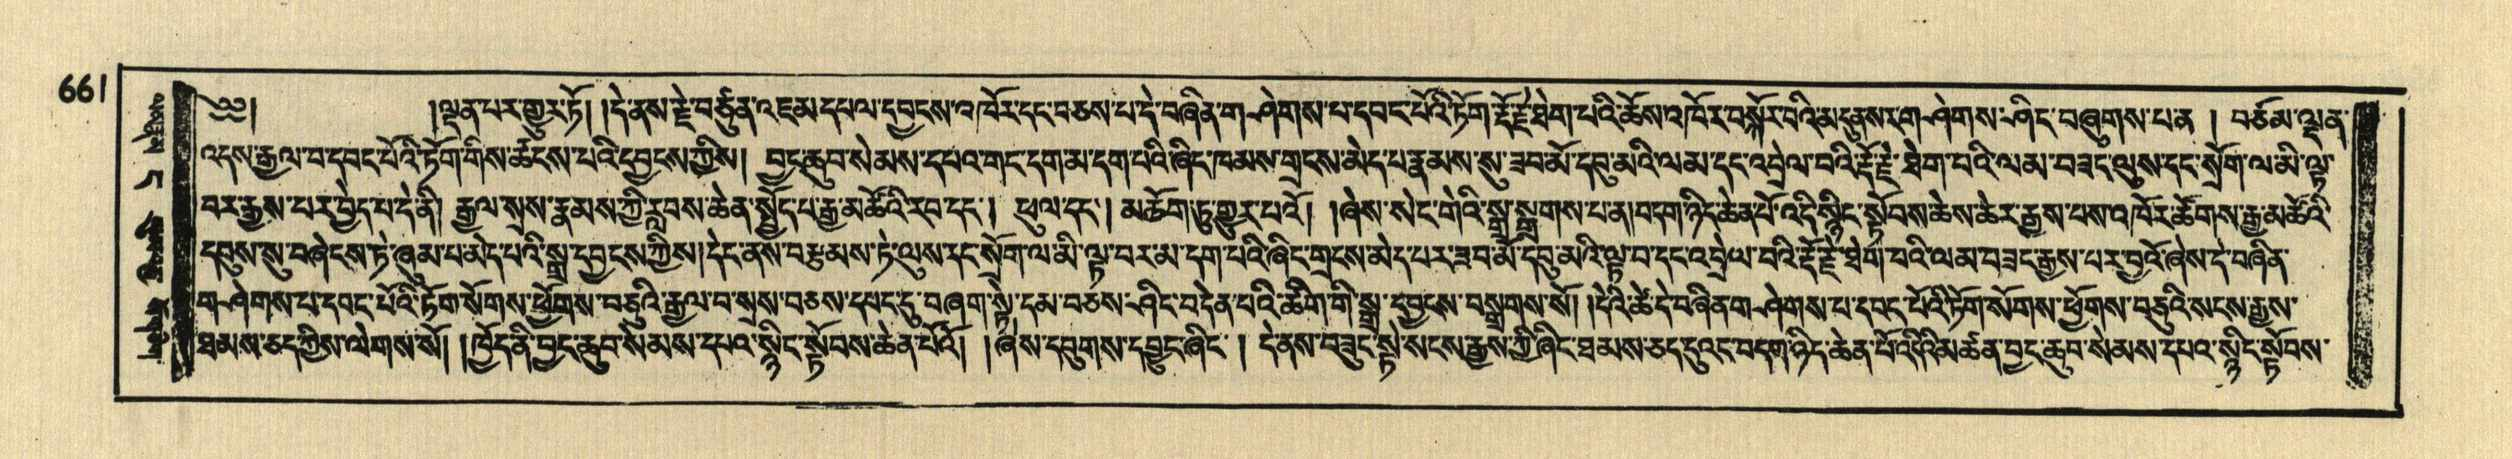༄༅། །ལྡན་པར་གྱུར་ཏོ། །དེ་ནས་རྗེ་བཙུན་འཇམ་དཔལ་དབྱངས་འཁོར་དང་བཅས་པ་དེ་བཞིན་གཤེགས་པ་དབང་པོའི་ཏོག་རྡོ་རྗེ་ཐེག་པའི་ཆོས་འཁོར་བསྐོར་བའི་མདུན་སར་གཤེགས་ཤིང་བཞུགས་པ་ན། བཅོམ་ལྡན་
འདས་རྒྱལ་བ་དབང་པོའི་ཏོག་གིས་ཚངས་པའི་དབྱངས་ཀྱིས། བྱང་ཆུབ་སེམས་དཔའ་གང་དག་མ་དག་པའི་ཞིང་ཁམས་གྲངས་མེད་པ་རྣམས་སུ་ཟབ་མོ་དབུ་མའི་ལམ་དང་འབྲེལ་བའི་རྡོ་རྗེ་ཐེག་པའི་ལམ་བཟང་ལུས་དང་སྲོག་ལ་མི་ལྟ་
བར་རྒྱས་པར་བྱེད་པ་དེ་ནི། རྒྱལ་སྲས་རྣམས་ཀྱི་རླབས་ཆེན་སྤྱོད་པ་རྒྱ་མཚོའི་རབ་དང་། ཕུལ་དང་། མཆོག་ཏུ་གྱུར་པའོ། །ཞེས་སེང་གེའི་སྒྲ་སྒྲགས་པ་ན། བདག་ཉིད་ཆེན་པོ་འདི་སྙིང་སྟོབས་ཆེས་ཆེར་རྒྱས་པས་འཁོར་ཚོགས་རྒྱ་མཚོའི་
དབུས་སུ་བཞེངས་ཏེ་ཞུམ་པ་མེད་པའི་སྒྲ་དབྱངས་ཀྱིས། དེང་ནས་བརྩམས་ཏེ་ལུས་དང་སྲོག་ལ་མི་ལྟ་བར་མ་དག་པའི་ཞིང་གྲངས་མེད་པར་ཟབ་མོ་དབུ་མའི་ལྟ་བ་དང་འབྲེལ་བའི་རྡོ་རྗེ་ཐེག་པའི་ལམ་བཟང་རྒྱས་པར་བྱའོ་ཞེས་དེ་བཞིན་
གཤེགས་པ་དབང་པོའི་ཏོག་སོགས་ཕྱོགས་བཅུའི་རྒྱལ་བ་སྲས་བཅས་དབང་དུ་བཞག་སྟེ་དམ་བཅས་ཤིང་བདེན་པའི་ཚིག་གི་སྒྲ་དབྱངས་བསྒྲགས་སོ། །དེའི་ཚེ་དེ་བཞིན་གཤེགས་པ་དབང་པོའི་ཏོག་སོགས་ཕྱོགས་བཅུའི་སངས་རྒྱས་
ཐམས་ཅད་ཀྱིས་ལེགས་སོ། །ཁྱོད་ནི་བྱང་ཆུབ་སེམས་དཔའ་སྙིང་སྟོབས་ཆེན་པོའོ། །ཞེས་དབུགས་དབྱུང་ཞིང་། དེ་ནས་བཟུང་སྟེ་སངས་རྒྱས་ཀྱི་ཞིང་ཐམས་ཅད་དུའང་བདག་ཉིད་ཆེན་པོ་འདིའི་མཚན་བྱང་ཆུབ་སེམས་དཔའ་སྙིང་སྟོབས་